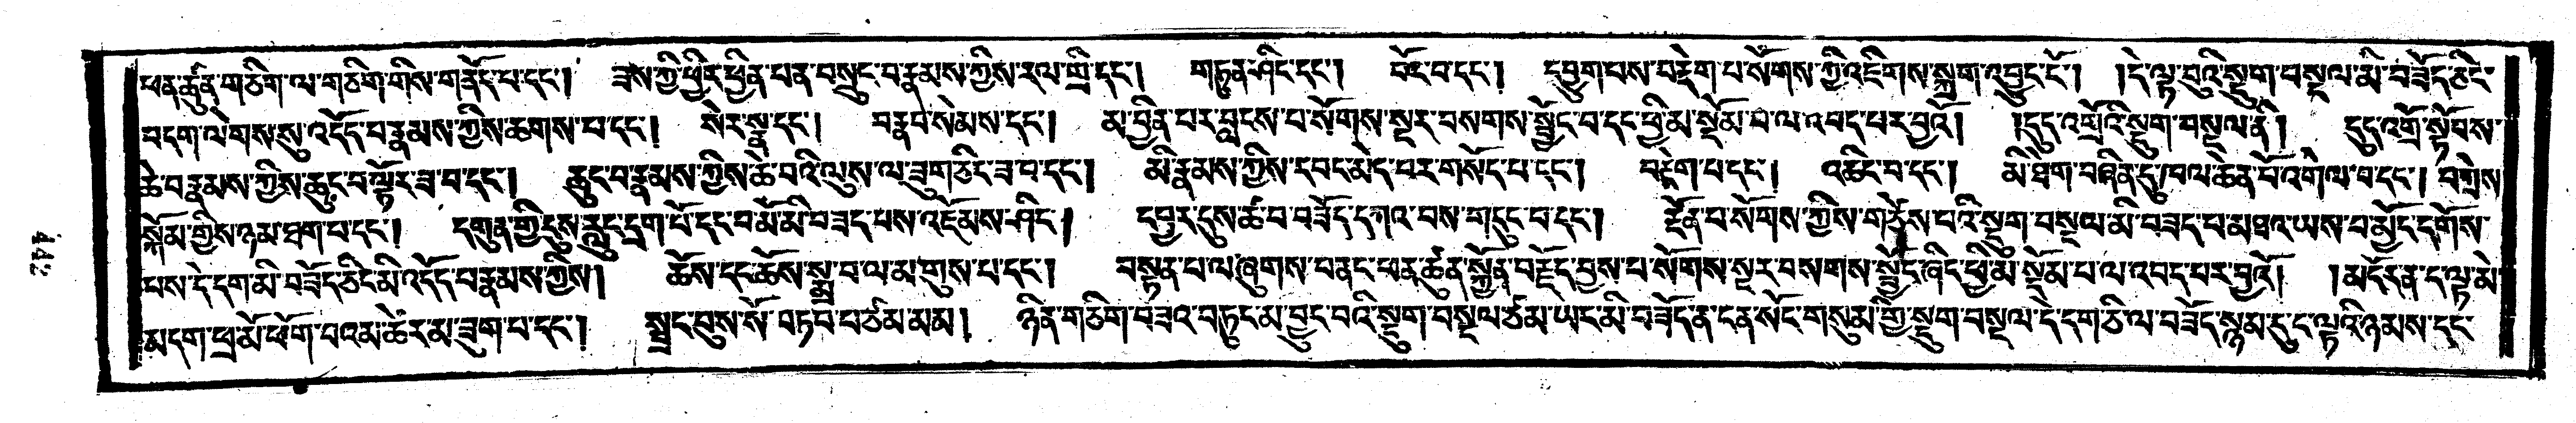ཕན་ཚུན་གཅིག་ལ་གཅིག་གིས་གནོད་པ་དང་། ཟས་ཀྱི་ཕྱིར་ཕྱིན་པ་ན་བསྲུང་བ་རྣམས་ཀྱིས་རལ་གྲི་དང་། གཏུན་ཤིང་དང་། བོར་བ་དང་། དབྱུག་པས་བརྡེག་པ་སོགས་ཀྱི་འཇིགས་སྐྲག་འབྱུང་ངོ། །དེ་ལྟ་བུའི་སྡུག་བསྔལ་མི་བཟོད་ཅིང་
བདག་ལེགས་སུ་འདོད་པ་རྣམས་ཀྱིས་ཆགས་པ་དང་། སེར་སྣ་དང་བསྣབ་སེམས་དང་། མ་བྱིན་པར་བླངས་པ་སོགས་སྔར་བསགས་སྦྱོང་བ་དང་ཕྱི་མ་སྡོམ་པ་ལ་འབད་པར་བྱའོ། །དུད་འགྲོའི་སྡུག་བསྔལ་ནི། དུད་འགྲོ་སྟོབས་
ཆེ་བ་རྣམས་ཀྱིས་ཆུང་བ་ལྟོར་ཟ་བ་དང་། ཆུང་བ་རྣམས་ཀྱིས་ཆེ་བའི་ལུས་ལ་ཟུག་ཅིང་ཟ་བ་དང་། མི་རྣམས་ཀྱིས་དབང་མེད་པར་གསོད་པ་དང་། བརྡེག་པ་དང་། འཆིང་བ་དང་། མི་ཐེག་བཞིན་དུ་ཁལ་ཆེན་པོ་འགེལ་བ་དང་། བཀྲེས་
སྐོམ་གྱིས་ཉམ་ཐག་པ་དང་། དགུན་གྱི་དུས་རླུང་དྲག་པོ་དང་བ་མོ་མི་བཟད་པས་འཇོམས་ཤིང་། དབྱར་དུས་ཚ་བ་བཟོད་དཀའ་བས་གདུང་བ་དང་། རྔོན་པ་སོགས་ཀྱིས་གཙེས་པའི་སྡུག་བསྔལ་མི་བཟད་པ་མཐའ་ཡས་པ་མྱོང་དགོས་
པས་དེ་དག་མི་བཟོད་ཅིང་མི་འདོད་པ་རྣམས་ཀྱིས། ཆོས་དང་ཆོས་སྨྲ་བ་ལ་མ་གུས་པ་དང་། བསྟན་པ་ལ་ཞུགས་པ་ནང་ཕན་ཚུན་སྐྱོན་བརྗོད་བྱས་པ་སོགས་སྔར་བསགས་སྦྱོང་ཞིང་ཕྱི་མ་སྡོམ་པ་ལ་འབད་པར་བྱའོ། །མདོར་ན་ད་ལྟ་མེ་
མདག་ཕྲ་མོ་ཕོག་པའམ་ཚེར་མ་ཟུག་པ་དང་། སྦྲང་བུས་སོ་བཏབ་པ་ཙམ་མམ། ཉིན་གཅིག་བཟའ་བཏུང་མ་བྱུང་བའི་སྡུག་བསྔལ་ཙམ་ཡང་མི་བཟོད་ན་ངན་སོང་གསུམ་གྱི་སྡུག་བསྔལ་དེ་དག་ཅི་ལ་བཟོད་སྙམ་དུ་ང་ལྟའི་ཉམས་དང་